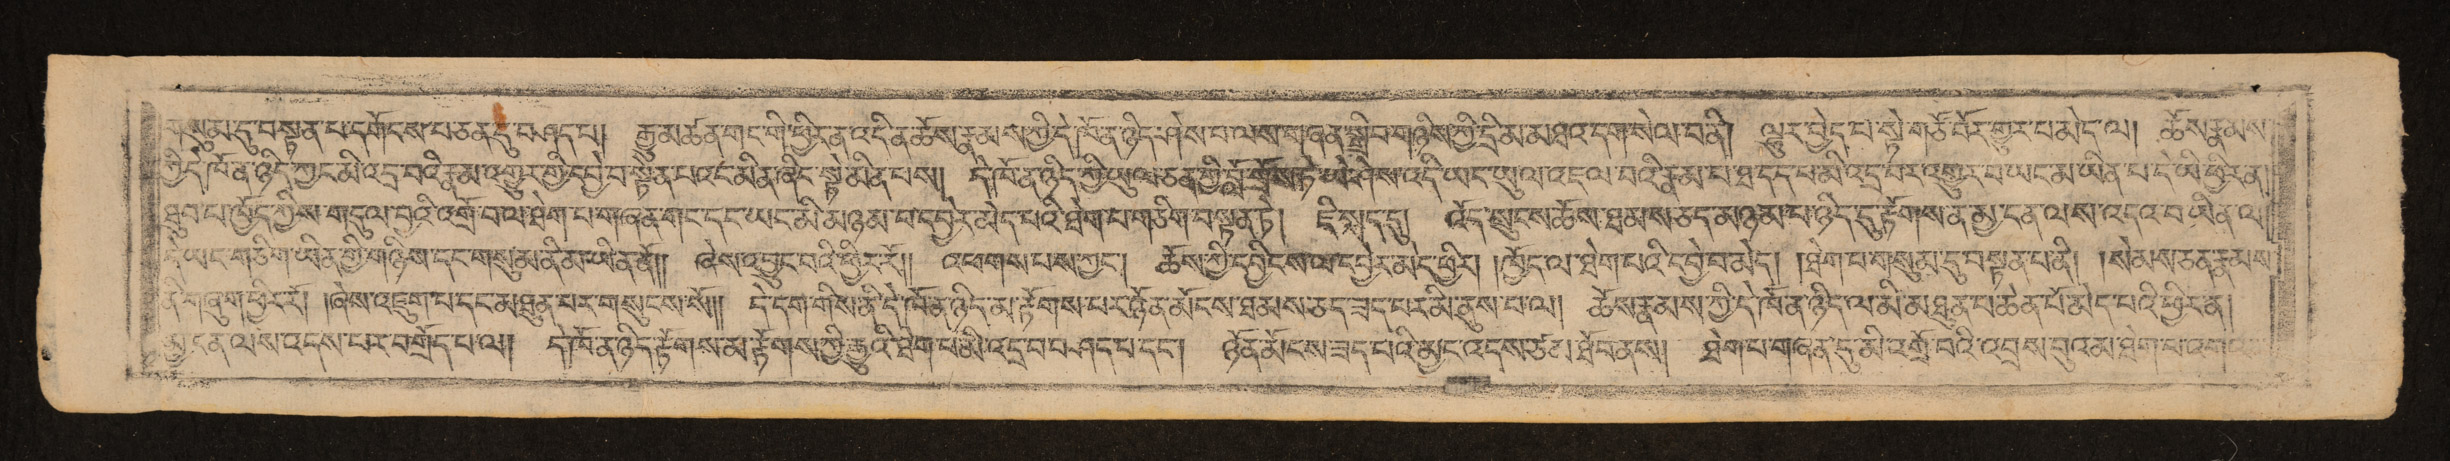གསུམ་དུ་བསྟན་པ་དགོངས་པ་ཅན་དུ་བཤད་པ། རྒྱུ་མཚན་གང་གི་ཕྱིར་ན་འདི་ན་ཆོས་རྣམས་ཀྱི་དེ་ཁོ་ན་ཉིད་ཤེས་པ་ལས་གཞན་སྒྲིབ་གཉིས་ཀྱི་དྲི་མ་མཐའ་དག་སེལ་བ་ནི། ལྷུར་བྱེད་པ་སྟེ་གཙོ་བོར་གྱུར་པ་མེད་ལ། ཆོས་རྣམས་
ཀྱི་དེ་ཁོ་ན་ཉིད་ཀྱང་མི་འདྲ་བའི་རྣམ་འགྱུར་གྱི་དབྱེ་བ་སྟེན་པའང་མིན་ཞིང་སྟེ་མིན་པས། དེ་ཁོ་ན་ཉིད་ཀྱི་ཡུལ་ཅན་གྱི་བློ་གྲོས་ཏེ་ཡེ་ཤེས་འདི་ཡང་ཡུལ་འཇལ་བའི་རྣམ་པ་ཐ་དད་པ་མི་འདྲ་བར་འགྱུར་བ་ཡང་མ་ཡིན་པ་དེ་ཡི་ཕྱིར་ན།
ཐུབ་པ་ཁྱོད་ཀྱིས་གདུལ་བྱའི་འགྲོ་བ་ལ་ཐེག་པ་གཞན་གང་དང་ཡང་མི་མཉམ་པ་དབྱེར་མེད་པའི་ཐེག་པ་གཅིག་བསྟན་ཏེ། ཇི་སྐད་དུ། འོད་སྲུངས་ཆོས་ཐམས་ཅད་མཉམ་པ་ཉིད་དུ་རྟོགས་ན་མྱ་ངན་ལས་འདའ་བ་ཡིན་ལ།
དེ་ཡང་གཅིག་ཡིན་གྱི་གཉིས་དང་གསུམ་ནི་མ་ཡིན་ནོ།། ཞེས་འབྱུང་བའི་ཕྱིར་རོ།། འཕགས་པས་ཀྱང་། ཆོས་ཀྱི་དབྱིངས་ལ་དབྱེར་མེད་ཕྱིར། །ཁྱོད་ལ་ཐེག་པའི་དབྱེ་བ་མེད། །ཐེག་པ་གསུམ་དུ་བསྟན་པ་ནི། །སེམས་ཅན་རྣམས་
ནི་གཞུག་ཕྱིར་རོ། །ཞེས་འཇུག་པ་དང་མཐུན་པར་གསུངས་སོ།། དེ་དག་གིས་ནི་དེ་ཁོ་ན་ཉིད་མ་རྟོགས་པར་ཉོན་མོངས་ཐམས་ཅད་ཟད་པར་མི་ནུས་པ་ལ། ཆོས་རྣམས་ཀྱི་དེ་ཁོ་ན་ཉིད་ལ་མི་མཐུན་པ་ཆེན་པོ་མེད་པའི་ཕྱིར་ན།
མྱ་ངན་ལས་འདས་པར་བགྲོད་དང་ལ། དེ་ཁོ་ན་ཉིད་རྟོགས་མ་རྟོགས་ཀྱི་རྒྱུའི་ཐེག་པ་མི་འདྲ་བ་བཤད་པ་དང་། ཉོན་མོངས་ཟད་པའི་མྱང་འདས་ཙམ་ཐོབ་ནས། ཐེག་པ་གཞན་དུ་མི་འགྲོ་བའི་འབྲས་བུའམ་ཐེག་པ་འགའ་